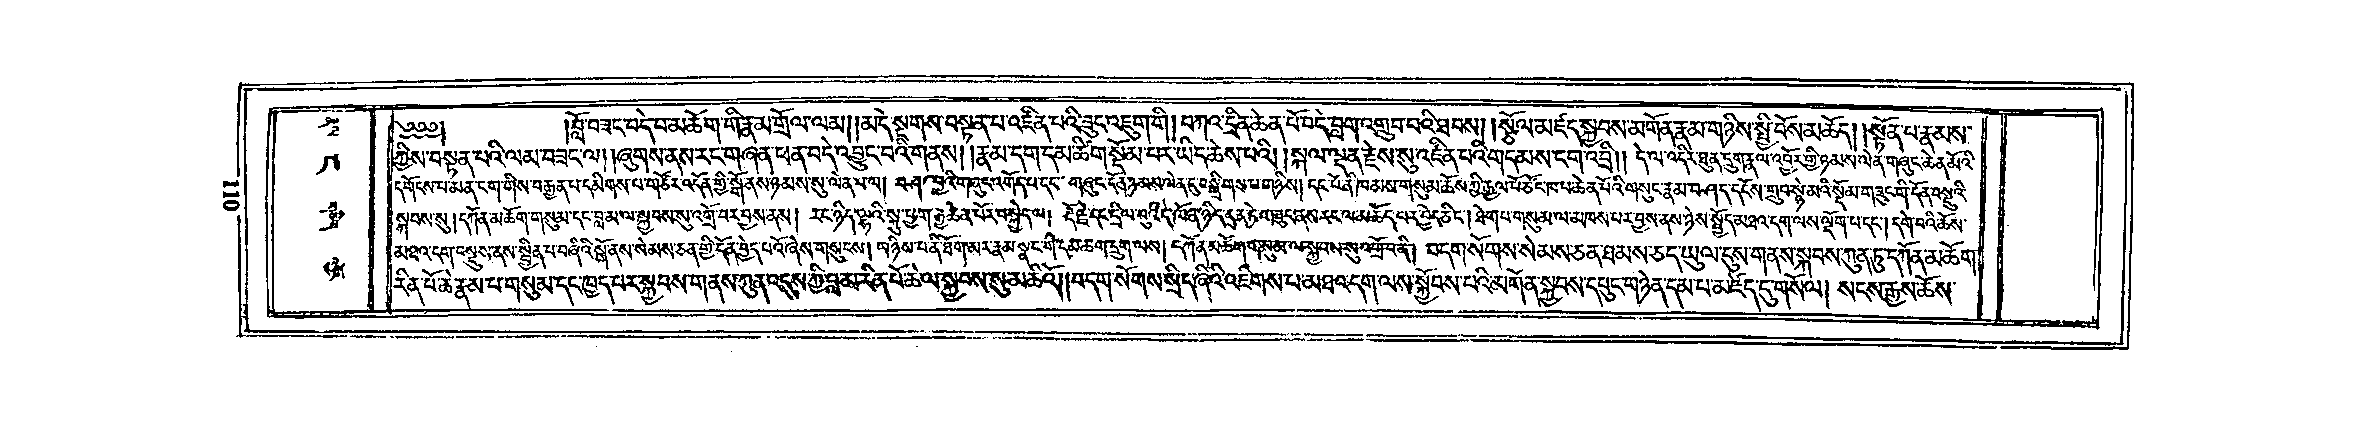༄༅། །བློ་བཟང་བདེ་བ་མཆོག་གི་རྣམ་གྲོལ་ལམ། །མདོ་སྔགས་བསྟན་པ་འཛིན་པའི་ཟུང་འཇུག་གི །བཀའ་དྲིན་ཆེན་པོ་བདེ་བླག་འགྲུབ་པའི་ཐབས། །སྩོལ་མཛད་སྐྱབས་མགོན་རྣམ་གཉིས་སྤྱི་བོས་མཆོད། །སྟོན་པ་རྣམས་
ཀྱིས་བསྟན་པའི་ལམ་བཟང་ལ། །ཞུགས་ནས་རང་གཞན་ཕན་བདེ་འབྱུང་བའི་གནས། །རྣམ་དག་དམ་ཚིག་སྡོམ་པར་ཡིད་ཆེས་པའི། །སྐལ་ལྡན་རྗེས་སུ་འཛིན་པའི་གདམས་ངག་འབྲི། །དེ་ལ་འདིར་ཐུན་དྲུག་རྣལ་འབྱོར་གྱི་ཉམས་ལེན་གཞུང་ཆེན་མོའི་
དགོངས་པ་མན་ངག་གིས་བརྒྱན་པ་དམིགས་པ་གཙོར་འདོན་གྱི་སྒོ་ནས་ཉམས་སུ་ལེན་པ་ལ། །བཤད་བྱའི་གཞུང་འགོད་པ་དང་གཞུང་དོན་ཉམས་ལེན་དུ་བསྒྲིགས་པ་གཉིས། དང་པོ་ནི་ཁམས་གསུམ་ཆོས་ཀྱི་རྒྱལ་པོ་ཙོང་ཁ་པ་ཆེན་པོའི་གསུང་རྣམ་བཤད་དངོས་གྲུབ་སྙེ་མའི་སྡོམ་གཟུང་གི་དོན་བསྡུའི་
སྐབས་སུ། །དཀོན་མཆོག་གསུམ་དང་བླ་མ་ལ་སྐྱབས་སུ་འགྲོ་བར་བྱས་ནས། རང་ཉིད་ལྷའི་སྐུ་ཕྱག་རྒྱ་ཆེན་པོར་བསྐྱེད་ལ། རྡོ་རྗེ་དང་དྲིལ་བུའི་དེ་ཁོ་ན་ཉིད་དྲན་ཏེ་གཟུང་ནས་རང་ལ་མཆོད་པར་བྱེད་ཅིང་། ཐེག་པ་གསུམ་ལ་མཁས་པར་བྱས་ནས་ཉེས་སྤྱོད་མཐའ་དག་ལས་ལྡོག་པ་དང་། དགེ་བའི་ཆོས་
མཐའ་དག་བསྡུས་ནས་སྦྱིན་པ་བཞིའི་སྒོ་ནས་སེམས་ཅན་གྱི་དོན་བྱེད་པའོ་ཞེས་གསུངས། །གཉིས་པ་ནི་ཐོག་མར་རྣམ་སྣང་གི་དམ་ཆག་དྲུག་ལས། དཀོན་མཆོག་གསུམ་ལ་སྐྱབས་སུ་འགྲོ་བ་ནི། བདག་སོགས་སེམས་ཅན་ཐམས་ཅད་ཡུལ་དུས་གནས་སྐབས་ཀུན་ཏུ་དཀོན་མཆོག་
རིན་པོ་ཆེ་རྣམ་པ་གསུམ་དང་ཁྱད་པར་སྐྱབས་གནས་ཀུན་འདུས་ཀྱི་བླ་མ་རིན་པོ་ཆེ་ལ་སྐྱབས་སུ་མཆིའོ། །བདག་སོགས་སྲིད་ཞིའི་འཇིགས་པ་མཐའ་དག་ལས་སྐྱོབས་པའི་མགོན་སྐྱབས་དཔུང་གཉེན་དམ་པ་མཛོད་དུ་གསོལ། །སངས་རྒྱས་ཆོས་